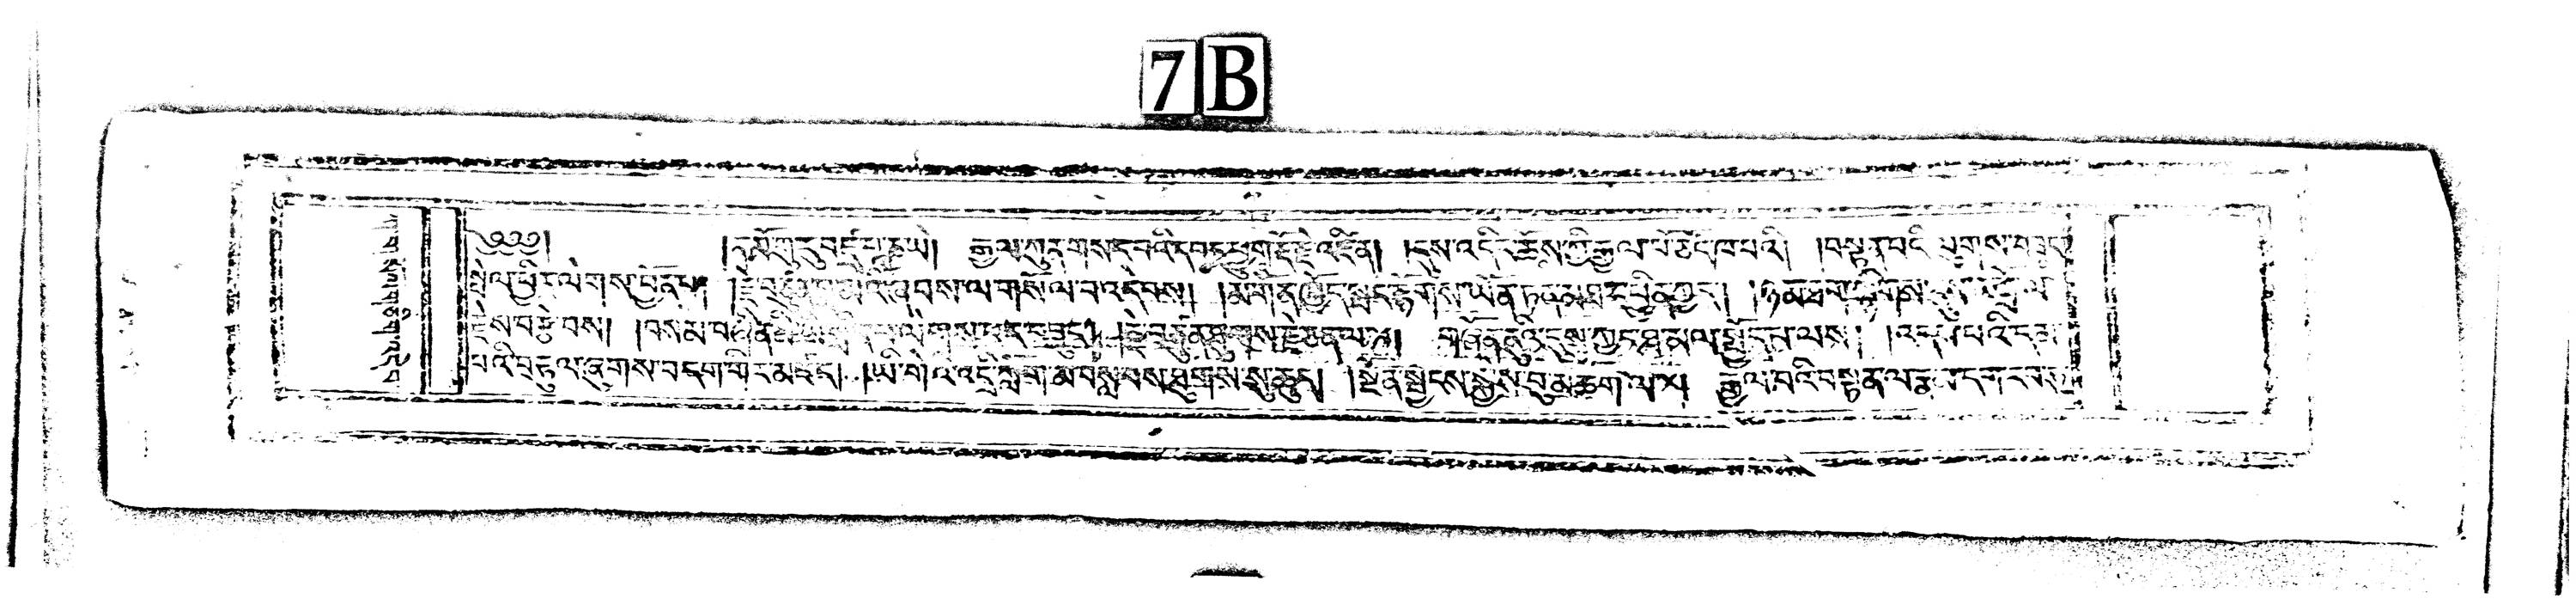༄༅། །རྗེ་བཙུན་བླ་མ་ཐམས་ཅད་མཁྱེན་པ་དྷ་རྨ་བྷ་དྲ་དཔལ་བཟང་པོ་ལ་རྣམ་ཐར་གྱི་སྒོ་ནས་གསོལ་བ་འདེབས་ཚུལ་དངོས་གྲུབ་གྲུ་ཆར་གཡོ་བའི་སྤྲིན་ཕུང་ཞེས་བྱ་བ་བཞུགས།།
༄༅། །ན་མོ་གུ་རུ་བཛྲ་པཱ་ཎ་ཡེ། རྒྱལ་ཀུན་གསང་བའི་དབང་ཕྱུག་རྡོ་རྗེ་འཛིན། །དུས་འདིར་ཆོས་ཀྱི་རྒྱལ་པོ་ཙོང་ཁ་པའི། །བསྟན་པའི་ལུགས་བཟང་
སྤེལ་ཕྱིར་ལེགས་བྱོན་པ། །རྗེ་བཙུན་བླ་མའི་ཞབས་ལ་གསོལ་བ་འདེབས། །མགོན་ཁྱོད་སྤང་རྟོགས་ཡོན་ཏན་མཐར་ཕྱིན་ཀྱང་། །ཉམ་ཐག་སྙིགས་དུས་འགྲོ་ལ་
རྗེས་བརྩེ་བས། །བསམ་བཞིན་མི་ཡི་སྲིད་པ་ལེགས་པར་བཟུང་། །རྗེ་བཙུན་ཐུགས་རྗེ་ཅན་ལ་྾། གཞོན་ནུའི་དུས་ཀྱང་ཐ་མལ་སྤྱོད་པ་ལས། །འདས་པའི་དམ་
པའི་བརྟུལ་ཞུགས་བདག་གིར་མཛད། །ཡི་གེའི་འདྲི་ཀློག་མ་བསླབས་ཐུགས་སུ་ཆུད། །སྔོན་སྦྱངས་སྐྱེས་བུ་མཆོག་ལ་྾། རྒྱལ་བའི་བསྟན་ལ་རྣམ་དག་རབ་ཏུ་